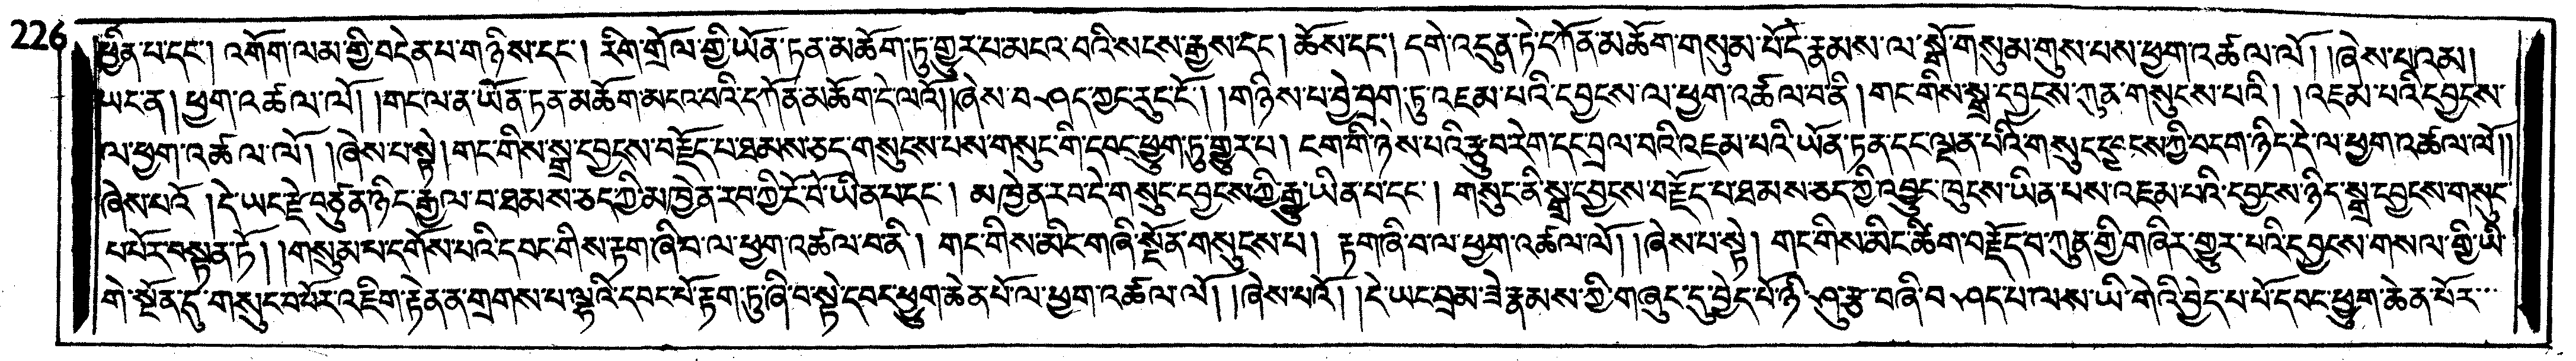ཕྱིན་པ་དང་། འགོག་ལམ་གྱི་བདེན་པ་གཉིས་དང་། རིག་གྲོལ་གྱི་ཡོན་ཏན་མཆོག་ཏུ་གྱུར་པ་མངའ་བའི་སངས་རྒྱས་དང་། ཆོས་དང་། དགེ་འདུན་ཏེ་དཀོན་མཆོག་གསུམ་པོ་དེ་རྣམས་ལ་སྒོ་གསུམ་གུས་པས་ཕྱག་འཚལ་ལོ། །ཞེས་པའམ།
ཡང་ན། ཕྱག་འཚལ་ལོ། །གང་ལ་ན་ཡོན་ཏན་མཆོག་མངའ་བའི་དཀོན་མཆོག་དེ་ལའོ། །ཞེས་བཤད་ཀྱང་རུང་ངོ། །གཉིས་པ་བྱེ་བྲག་ཏུ་འཇམ་པའི་དབྱངས་ལ་ཕྱག་འཚལ་བ་ནི། གང་གིས་སྒྲ་དབྱངས་ཀུན་གསུངས་པའི། །འཇམ་པའི་དབྱངས་
ལ་ཕྱག་འཚལ་ལོ། །ཞེས་པ་སྟེ། གང་གིས་སྒྲ་དབྱངས་བརྗོད་པ་ཐམས་ཅད་གསུངས་པས་གསུང་གི་དབང་ཕྱུག་ཏུ་གྱུར་པ། ངག་གི་ཉེས་པའི་རྩུབ་རེག་དང་བྲལ་བའི་འཇམ་པའི་ཡོན་ཏན་དང་ལྡན་པའི་གསུང་དབྱངས་ཀྱི་བདག་ཉིད་དེ་ལ་ཕྱག་འཚལ་ལོ།།
ཞེས་པའོ། །དེ་ཡང་རྗེ་བཙུན་ཉིད་རྒྱལ་བ་ཐམས་ཅད་ཀྱི་མཁྱེན་རབ་ཀྱི་ངོ་བོ་ཡིན་པ་དང་། མཁྱེན་རབ་དེ་གསུང་དབྱངས་ཀྱི་རྒྱུ་ཡིན་པ་དང་། གསུང་ནི་སྒྲ་དབྱངས་བརྗོད་པ་ཐམས་ཅད་ཀྱི་འབྱུང་ཁུངས་ཡིན་པས་འཇམ་པའི་དབྱངས་ཉིད་སྒྲ་དབྱངས་གསུང་
པ་པོར་བསྟན་ཏོ། །གསུམ་པ་དགོས་པའི་དབང་གིས་རྟག་ཞི་བ་ལ་ཕྱག་འཚལ་བ་ནི། གང་གིས་མིང་གཞི་སྔོན་གསུངས་པ། རྟག་ཞི་བ་ལ་ཕྱག་འཚལ་ལོ། །ཞེས་པ་སྟེ། གང་གིས་མིང་ཚིག་བརྗོད་བ་ཀུན་གྱི་གཞིར་གྱུར་པའི་དབྱངས་གསལ་གྱི་ཡི་
གེ་སྔོན་དུ་གསུང་བ་པོར་འཇིག་རྟེན་ན་གྲགས་པ་ལྷའི་དབང་པོ་རྟག་ཏུ་ཞི་བ་སྟེ་དབང་ཕྱུག་ཆེན་པོ་ལ་ཕྱག་འཚལ་ལོ། །ཞེས་པའོ། །དེ་ཡང་བྲམ་ཟེ་རྣམས་ཀྱི་གཞུང་དུ་བྱེད་པོ་ཉི་ཤུ་རྩ་བཞི་བཤད་པ་ལས་ཡི་གེའི་བྱེད་པ་པོ་དབང་ཕྱུག་ཆེན་པོར་